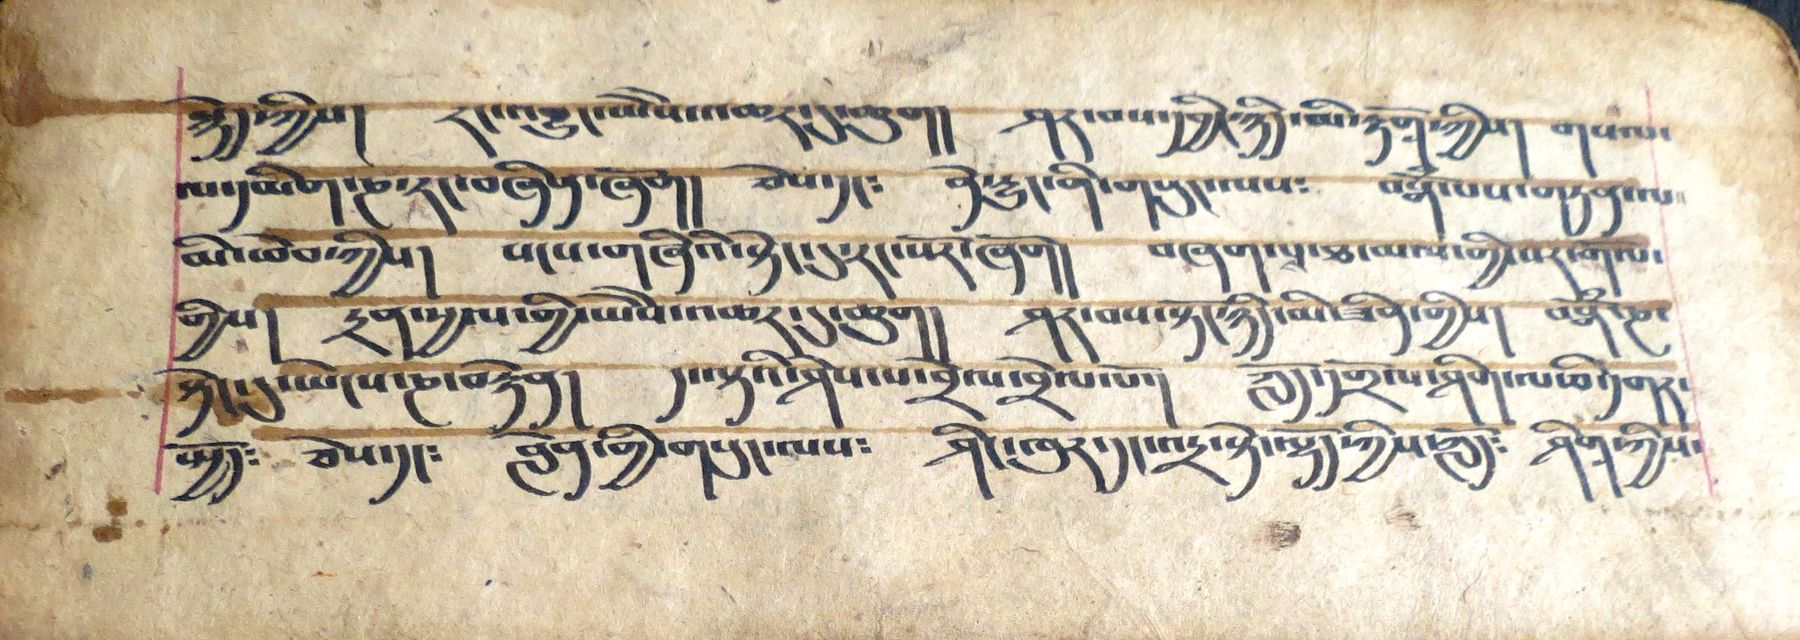རྙེད་ཀྱི། རང་འབྱུང་ཡེ་ཤེས་འཆར་དུ་ཆུག ཤར་བས་དབྱིངས་ཉིད་མི་རྟོགས་ཀྱི། གསལ་
ལ་དམིགས་མེད་རང་བཞིན་ཞོག། ཅེས་དང་། ནེ་རྒྱུང་གི་གསུང་ལས། བསྒོམས་པས་གཏན་ལ་
མི་ཕེབས་ཀྱི། སངས་གཞིའི་སྟེང་དུ་རང་བཞིན་ཞོག བཞག་པས་ཐ་མལ་གྱི་སར་གོལ་
གྱིས། དྲན་གསལ་གྱི་ཡེ་ཤེས་འཆར་དུ་ཆུག ཤར་བས་སྟོང་ཉིད་མི་འཛིན་གྱི། བསྒོམ་མེད་
སྟེང་དུ་ཡེངས་མེད་བསྟེན། ད་ལྟའི་ཤེས་པ་བྲེལ་བྲེལ་པོ། ཀློད་དཀྲོལ་ཤིག་ལ་ཅི་དགར་
སྤྱོད། ཅེས་དང་། བླ་ཆེན་གྱི་གསུང་ལས། ཤིང་ཁུར་དང་འདྲ་སྟེ་ལྷོད་ཀྱིས་ཀློད། ཤིགས་ཀྱིས་